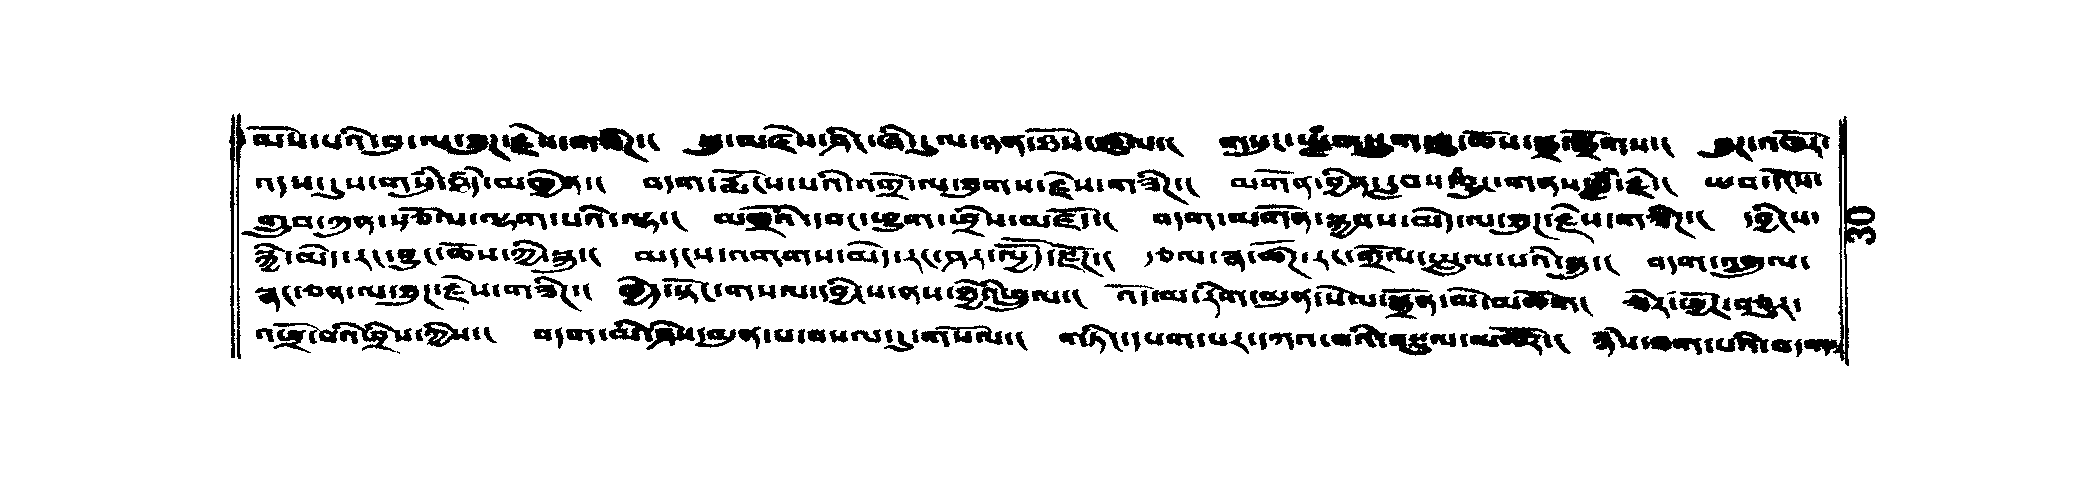མོས་པའི་བུ་ལ་ཐུགས་རྗེས་གཟིགས། །སྐུ་མཛེས་ཤིང་ཞི་དུལ་ཉན་ཐོས་ཚུལ། །གསུང་ཡན་ལག་དྲུག་ཅུའི་ཆོས་སྒྲ་སྒྲོག།ཐུགས་འཁོར་
འདས་དུས་གསུམ་ཐམས་ཅད་མཁྱེན། །བདག་རྨོངས་པའི་འགྲོ་ལ་ཐུགས་རྗེས་གཟིགས། །མགོན་བྱིན་རླབས་འབྱུང་གནས་བླ་མ་རྗེ། །ཡབ་དངོས་
གྲུབ་ཀུན་སྩོལ་ལྷག་པའི་ལྷ། །མཁའ་འགྲོའི་དབང་ཕྱུག་ཕྲིན་ལས་མཛོད། །བདག་མགོན་སྐྱབས་མེད་ལ་ཐུགས་རྗེས་གཟིགས། །དབྱིངས་
སྐྱེ་མེད་རང་བྱུང་ཆོས་ཀྱི་སྐུ། །མདངས་འགགས་མེད་རང་ཤར་ལོངས་སྤྱོད་རྫོགས། །རྩལ་སྣ་ཚོགས་རང་གོལ་སྤྲུལ་པའི་སྐུ། །བདག་འཁྲུལ་
སྣང་ཅན་ལ་ཐུགས་རྗེས་གཟིགས། །ཁྱེད་སྟོང་གསལ་དབྱིངས་ནས་ཐུགས་རྗེའི་འཕྲུལ། །འོད་མ་རིག་མུན་སེལ་སྒྲོན་མེ་མཆོག །ཟེར་ཕྱོགས་བཅུར་
འཕྲོ་བའི་ཕྲིན་ལས་ཀྱིས། །བདག་མི་ཤེས་མུན་པ་བསལ་དུ་གསོལ། །གཏིང་དཔག་པར་དཀའ་བའི་བསྡུག་བསྔལ་མཚོར། །ཉམས་ཐག་པའི་བདག་